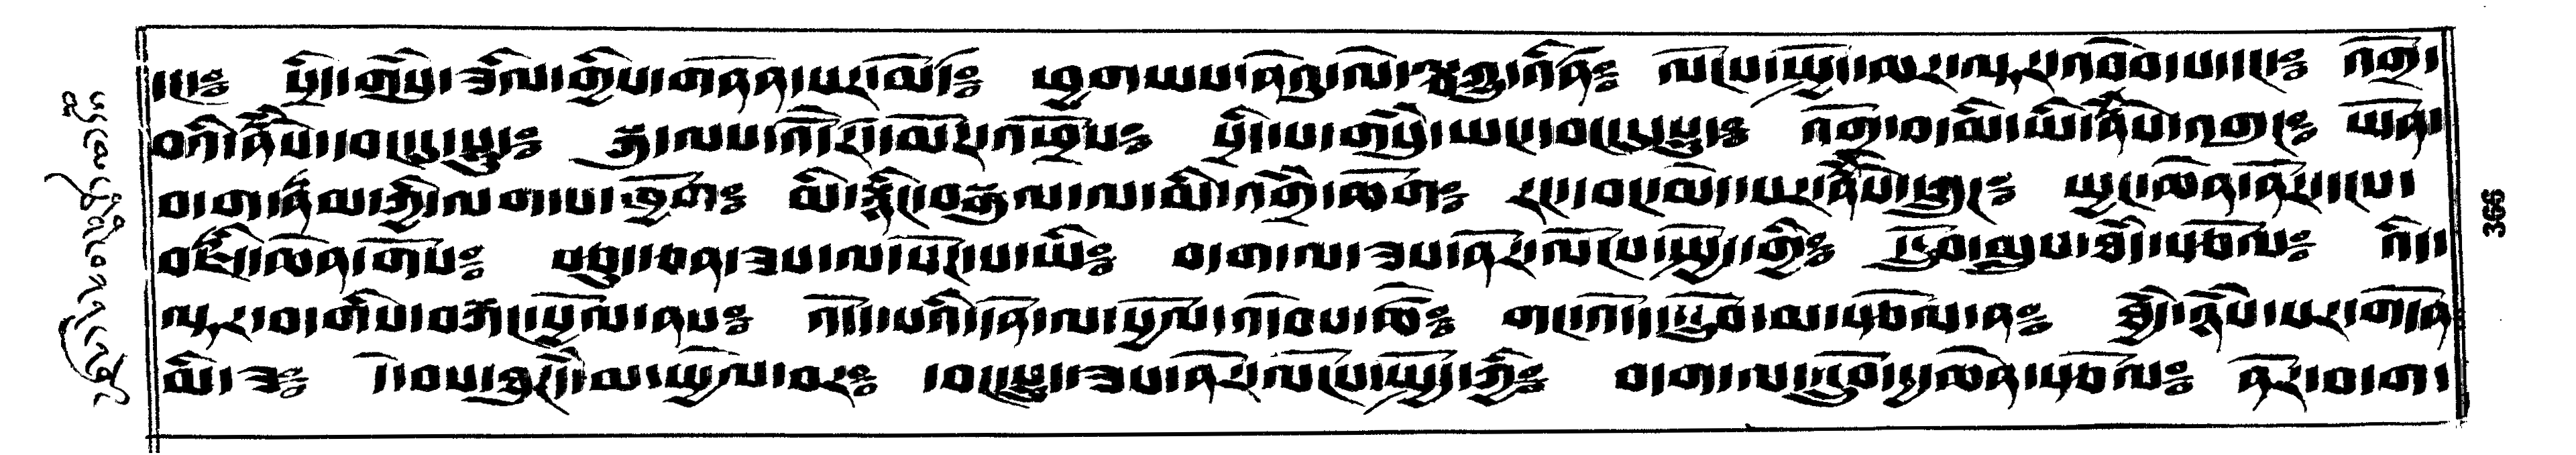དང༔ སྲིད་གསུམ་ཟིལ་གྱིས་གནོན་པར་མཛོད༔ ཕྱག་གཡས་ནེའུ་ལེ་ལྕགས་ཀྱུ་འཛིན༔ ལོངས་སྤྱོད་ཆར་ལྟར་འབེབ་པ་དང༔ འགྲོ་
བའི་རྣམ་དབང་དུ་སྡུད༔ སྐུ་ལས་འོད་ཟེར་དམར་པོ་འཕྲོས༔ སྲིད་པ་གསུམ་ཡང་དབང་དུ་སྡུད༔ འགྲོ་བ་མི་ཡི་རྣམ་ཤེས་འགུགས༔ ཡོན་
བདག་རྣམས་ཀྱི་ལག་པ་ཁྱོག༔ མི་སྙིང་བསྒུལ་ལ་མི་འགྲམ་ཆོག༔ རང་དབང་མེད་པར་རྣམ་ཤེས་དཀྲུགས་༔ གཡང་ཆེན་ནོར་དང་
བརྗིད་ཆེན་གོས༔ བཅུད་ཆེན་ཟས་ལ་སོགས་པ་ཡི༔ བདག་ལ་ཟས་ནོར་ལོངས་སྤྱོད་ཀྱི༔ དངོས་གྲུབ་མ་ལུས་ཐམས་ཅད་སྩོལ༔ འདི་
ལྟར་བདག་གིས་བསྐང་གསོལ་ནས༔ འདོད་པའི་དོན་ལ་གསོལ་འདེབས་ཚེ༔ གང་འདོད་དངོས་གྲུབ་མ་སྩོལ་ན༔ ཐུགས་དམ་ཉམས་པར་གདོན་
མི་ཟ༔ དེ་བས་ཐུགས་དམ་མ་གཡེལ་བར༔ དབང་སྡུད་ཟས་ནོར་ལོངས་སྤྱོད་ཀྱི༔ བདག་ལ་དངོས་གྲུབ་རྒྱ་ཆེན་སྩོལ༔ ནོར་བདག་